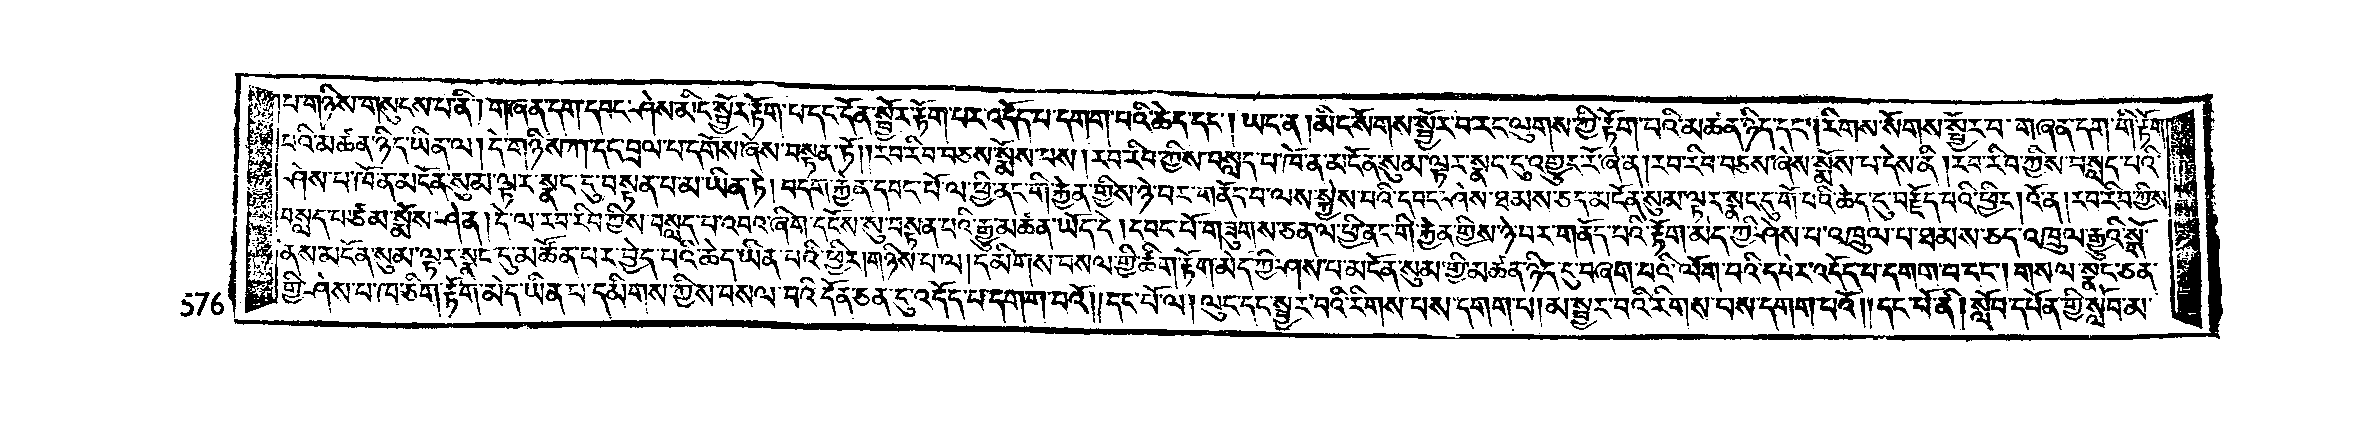པ་གཉིས་གསུངས་པ་ནི། གཞན་དག་དབང་ཤེས་མིང་སྦྱོར་རྟོག་པ་དང་དོན་སྦྱོར་རྟོག་པར་འདོད་པ་དགག་པའི་ཆེད་དང་། ཡང་ན། མིང་སོགས་སྦྱོར་བ་རང་ལུགས་ཀྱི་རྟོག་པའི་མཚན་ཉིད་དང་། རིགས་སོགས་སྦྱོར་བ་གཞན་དག་གི་རྟོག་
པའི་མཚན་ཉིད་ཡིན་ལ། དེ་གཉིས་ཀ་དང་བྲལ་པ་དགོས་ཞེས་བསྟན་ཏོ། །རབ་རིབ་བཅས་སྨོས་པས། རབ་རིབ་ཀྱིས་བསླད་པ་ཁོ་ན་མངོན་སུམ་ལྟར་སྣང་དུ་འགྱུར་རོ་ཞེ་ན། རབ་རིབ་བཅས་ཞེས་སྨོས་པ་དེས་ནི། རབ་རིབ་ཀྱིས་བསླད་པའི་
ཤེས་པ་ཁོ་ན་མངོན་སུམ་ལྟར་སྣང་དུ་བསྟན་པ་མ་ཡིན་ཏེ། བདག་རྐྱེན་དབང་པོ་ལ་ཕྱི་ནང་གི་རྐྱེན་གྱིས་ཉེ་བར་གནོད་པ་ལས་སྐྱེས་པའི་དབང་ཤེས་ཐམས་ཅད་མངོན་སུམ་ལྟར་སྣང་དུ་གོ་བའི་ཆེད་དུ་བརྗོད་པའི་ཕྱིར། འོ་ན། རབ་རིབ་ཀྱིས་
བསླད་པ་ཙམ་སྨོས་ཤེ་ན། དེ་ལ་རབ་རིབ་ཀྱིས་བསླད་པ་འབའ་ཞིག་དངོས་སུ་བསྟན་པའི་རྒྱུ་མཚན་ཡོད་དེ། དབང་པོ་གཟུགས་ཅན་ལ་ཕྱི་ནང་གི་རྐྱེན་གྱིས་ཉེ་བར་གནོད་པའི་རྟོག་མེད་ཀྱི་ཤེས་པ་འཁྲུལ་པ་ཐམས་ཅད་འཁྲུལ་རྒྱུའི་སྒོ་
ནས་མངོན་སུམ་ལྟར་སྣང་དུ་མཚོན་པར་བྱེད་པའི་ཆེད་ཡིན་པའི་ཕྱིར། གཉིས་པ་ལ། དམིགས་བསལ་གྱི་ཚིག་རྟོག་མེད་ཀྱི་ཤེས་པ་མངོན་སུམ་གྱི་མཚན་ཉིད་དུ་བཞག་པའི་ལོག་པའི་དཔེར་འདོད་པ་དགག་པ་དང་། གསལ་སྣང་ཅན་
གྱི་ཤེས་པ་ཁ་ཅིག་རྟོག་མེད་ཡིན་པ་དམིགས་ཀྱིས་བསལ་བའི་དོན་ཅན་དུ་འདོད་པ་དགག་པའོ། །དང་པོ་ལ། ལུང་དང་སྦྱར་བའི་རིགས་པས་དགག་པ། མ་སྦྱར་བའི་རིགས་པས་དགག་པའོ། །དང་པོ་ནི། སློབ་དཔོན་གྱི་སློབ་མ་